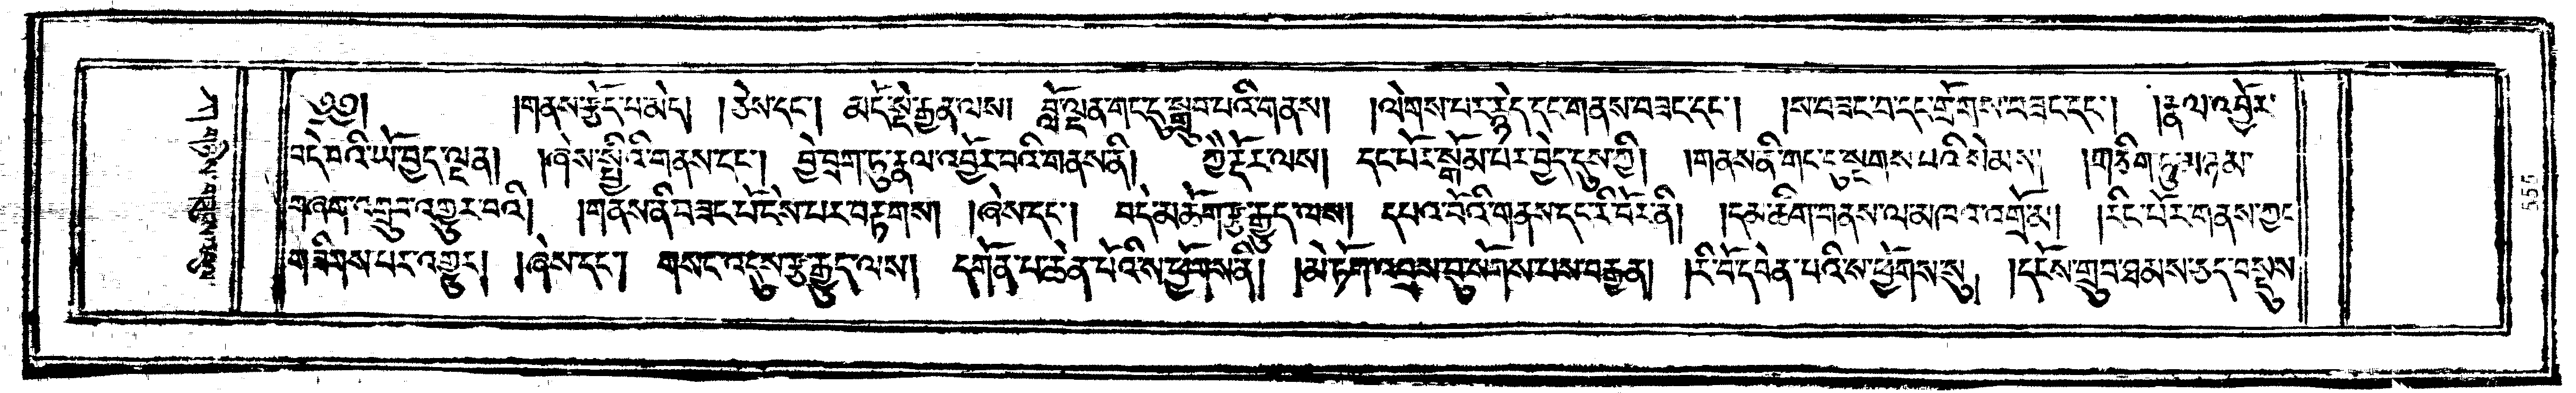༄༅། །གནས་རྩོད་པ་མེད། །ཅེས་དང་། མདོ་སྡེ་རྒྱན་ལས། བློ་ལྡན་གང་དུ་སྒྲུབ་པའི་གནས། །ལེགས་པར་རྙེད་དང་གནས་བཟང་དང་། །ས་བཟང་བ་དང་གྲོགས་བཟང་དང་། །རྣལ་འབྱོར་
བདེ་བའི་ཡོ་བྱད་ལྡན། །ཞེས་སྤྱིའི་གནས་དང་། བྱེ་བྲག་ཏུ་རྣལ་འབྱོར་བའི་གནས་ནི། ཀྱཻ་རྡོར་ལས། དང་པོར་སྒོམ་པར་བྱེད་དུས་ཀྱི། །གནས་ནི་གང་དུ་སྔགས་པའི་སེམས། །གཅིག་ཏུ་མཉམ་
གཞག་འགྲུབ་འགྱུར་བའི། །གནས་ནི་བཟང་པོ་ངེས་པར་བརྟགས། །ཞེས་དང་། བདེ་མཆོག་རྩ་རྒྱུད་ལས། དཔའ་བོའི་གནས་དང་རི་བོར་ནི། །དམ་ཚིག་གནས་ལ་མཁའ་འགྲོ་མ། །རིང་པོར་གནས་ཀྱང་
གཟིགས་པར་འགྱུར། །ཞེས་དང་། གསང་འདུས་རྩ་རྩ་རྒྱུད་ལས། དགོན་པ་ཆེན་པོའི་ས་ཕྱོགས་ནི། །མེ་ཏོག་འབྲས་བུ་སོགས་པས་བརྒྱན། །རི་བོ་དབེན་པའི་ས་ཕྱོགས་སུ། །དངོས་གྲུབ་ཐམས་ཅད་བསྡུས་